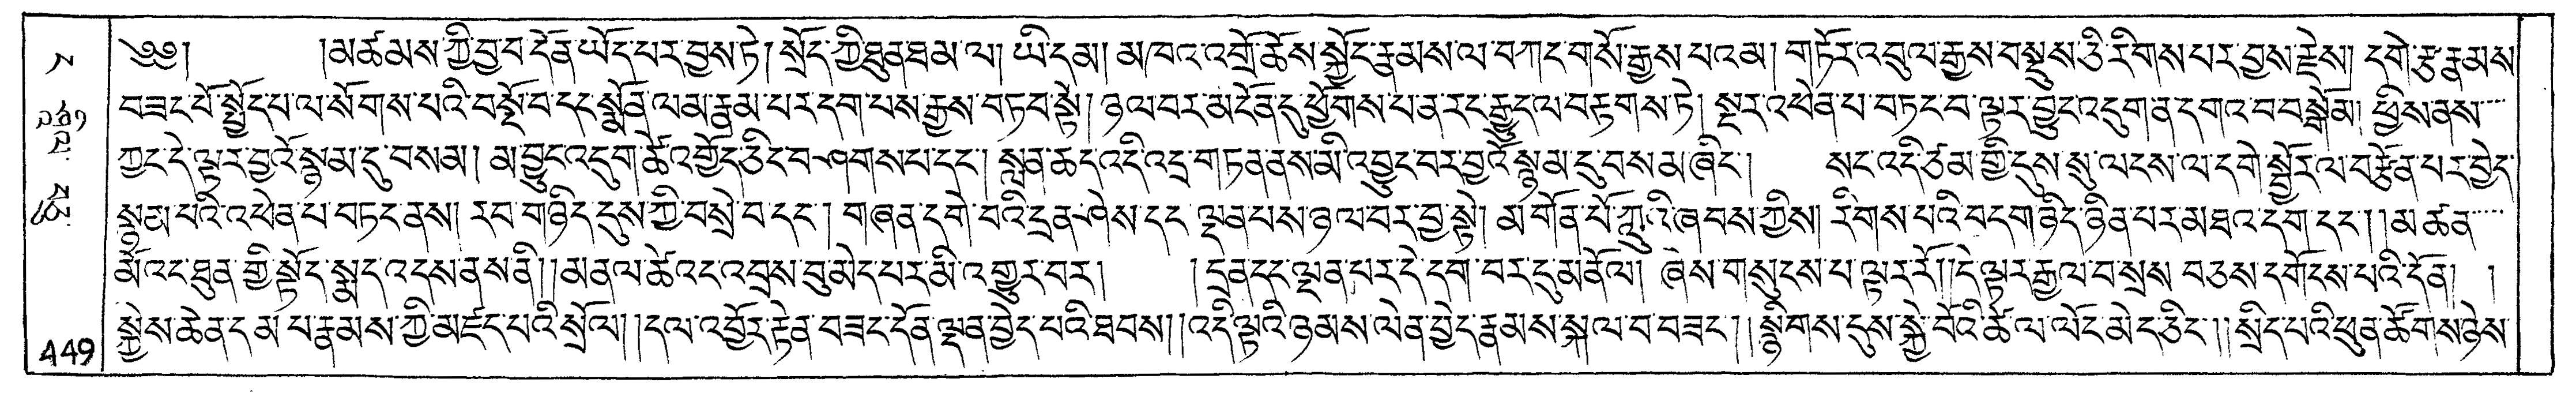༄༅། །མཚམས་ཀྱི་བྱ་བ་དོན་ཡོད་པར་བྱས་ཏེ། སྲོད་ཀྱི་ཐུན་ཐ་མ་ལ། ཡི་དམ། མཁའ་འགྲོ་ཆོས་སྐྱོང་རྣམས་ལ་བཀང་གསོ་རྒྱས་པའམ། གཏོར་འབུལ་རྒྱས་བསྡུས་ཅི་རིགས་པར་བྱས་རྗེས། དགེ་རྩ་རྣམས་
བཟང་པོ་སྤྱོད་པ་ལ་སོགས་པའི་བསྔོ་བ་དང་སྨོན་ལམ་རྣམ་པར་དག་པས་རྒྱས་བཏབ་སྟེ། ཉལ་བར་མངོན་དུ་ཕྱོགས་པ་ན་རང་རྒྱུད་ལ་བརྟགས་ཏེ། སྔར་འཕེན་པ་བཏང་བ་ལྟར་བྱུང་འདུག་ན་དགའ་བ་བསྒོམ། ཕྱིས་ནས་
ཀྱང་དེ་ལྟར་བྱའོ་སྙམ་དུ་བསམ། མ་བྱུང་འདུག་ཚེ་འགྱོད་ཅིང་བཤགས་པ་དང་། སླན་ཆད་འདི་འདྲ་གཏན་ནས་མི་འབྱུང་བར་བྱའོ་སྙམ་དུ་བསམ་ཞིང་། སང་འདི་ཙམ་གྱི་དུས་སུ་ལངས་ལ་དགེ་སྦྱོར་ལ་བརྩོན་པར་བྱེད་
སྙམ་པའི་འཕེན་པ་བཏང་ནས། རབ་གཉིད་དུས་ཀྱི་བསྲེ་བ་དང་། གཞན་དགེ་བའི་དྲན་ཤེས་དང་ལྡན་པས་ཉལ་བར་བྱ་སྟེ། མགོན་པོ་ཀླུའི་ཞབས་ཀྱིས། རིགས་པའི་བདག་ཉིད་ཉིན་པར་མཐའ་དག་དང་། །མཚན་
མོའང་ཐུན་གྱི་སྟོད་སྨད་འདས་ནས་ནི། །མནལ་ཚེའང་འབྲས་བུ་མེད་པར་མི་འགྱུར་བར། །དྲན་དང་ལྡན་པར་དེ་དག་པར་དུ་མནོལ། ཞེས་གསུངས་པ་ལྟར་རོ། །དེ་ལྟར་རྒྱལ་བ་སྲས་བཅས་དགོངས་པའི་དོན། །
སྐྱེས་ཆེན་དམ་པ་རྣམས་ཀྱི་མཛད་པའི་སྲོལ། །དལ་འབྱོར་རྟེན་བཟང་དོན་ལྡན་བྱེད་པའི་ཐབས། །འདི་ལྟའི་ཉམས་ལེན་བྱེད་རྣམས་སྐལ་བ་བཟང་། །སྙིགས་དུས་སྐྱེ་བོའི་ཚེ་ལ་ལོང་མེད་ཅིང་། །སྲིད་པའི་ཕུན་ཚོགས་ཉེས་